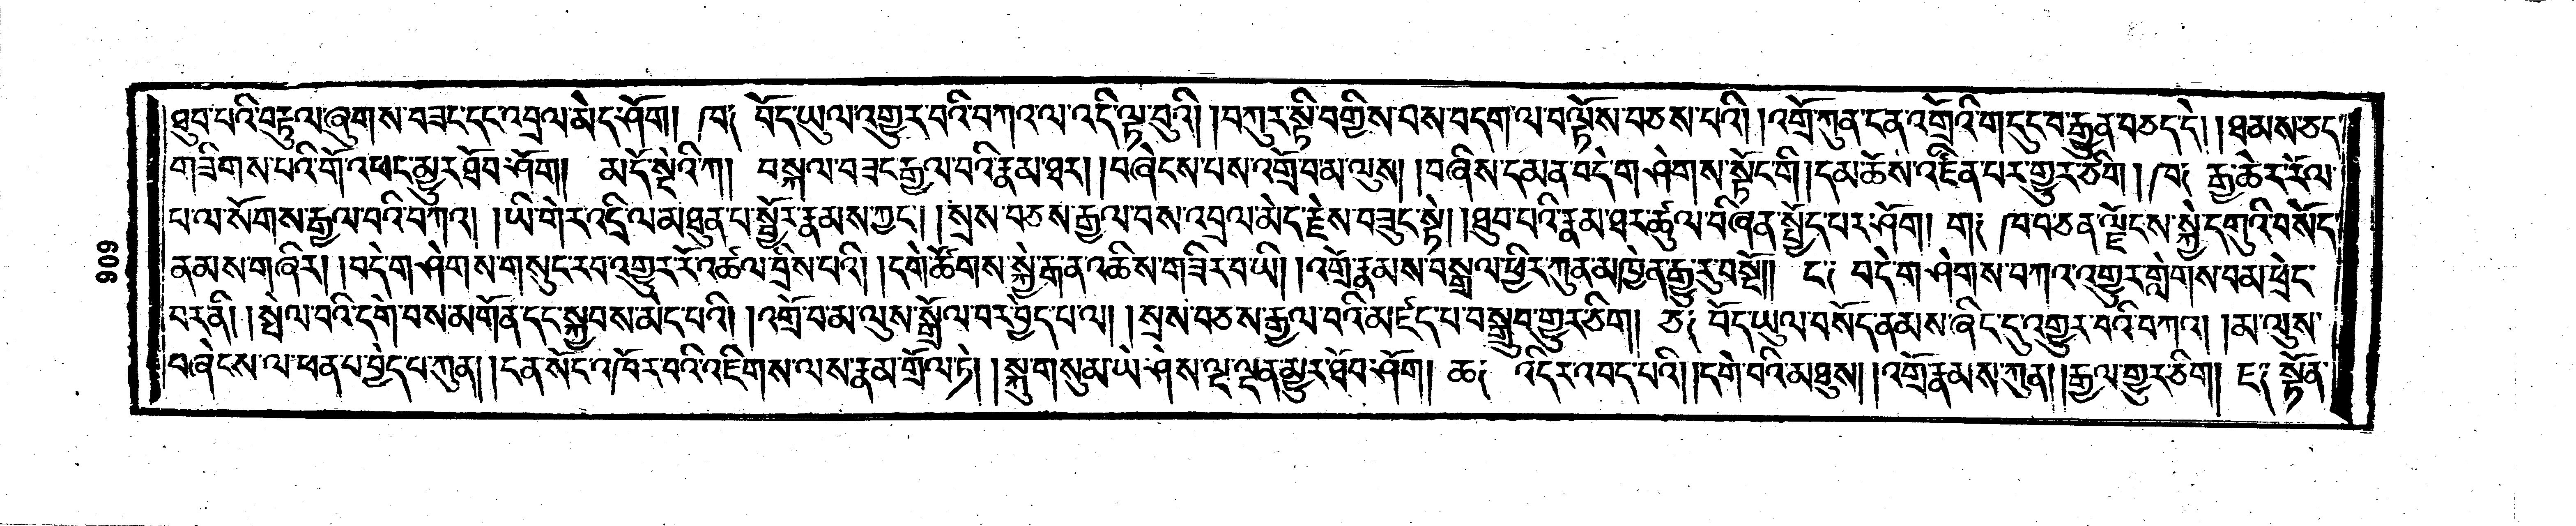ཐུབ་པའི་བརྟུལ་ཞུགས་བཟང་དང་འབྲལ་མེད་ཤོག །ཁ༑ བོད་ཡུལ་འགྱུར་བའི་བཀའ་ལ་འདི་ལྟ་བུའི། །བཀུར་སྟི་བགྱིས་པས་བདག་ལ་བལྟོས་བཅས་པའི། །འགྲོ་ཀུན་ངན་འགྲོའི་གདུང་བ་རྒྱུན་བཅད་དེ། །ཐམས་ཅད་
གཟིགས་པའི་གོ་འཕང་མྱུར་ཐོབ་ཤོག །མདོ་སྡེའི་ཀ། བསྐལ་བཟང་རྒྱལ་བའི་རྣམ་ཐར། །བཞེངས་པས་འགྲོ་བ་མ་ལུས། །བཞིས་དམན་བདེ་གཤེགས་སྟོང་གི། དམ་ཆོས་འཛིན་པར་གྱུར་ཅིག །ཁ༑ རྒྱ་ཆེར་རོལ་
པ་ལ་སོགས་རྒྱལ་བའི་བཀའ། །ཡི་གེར་འདྲི་ལ་མཐུན་པ་སྦྱོར་རྣམས་ཀྱང་། །སྲས་བཅས་རྒྱལ་བས་འབྲལ་མེད་རྗེས་བཟུང་སྟེ། །ཐུབ་པའི་རྣམ་ཐར་ཚུལ་བཞིན་སྤྱོད་པར་ཤོག །ག༑ ཁ་བ་ཅན་ལྗོངས་སྐྱེ་དགུའི་བསོད་
ནམས་གཞིར། །བདེ་གཤེགས་གསུང་རབ་འགྱུར་རོ་འཚལ་བྲིས་པའི། །དགེ་ཚོགས་སྐྱེ་རྒ་ན་འཆིས་གཟིར་བ་ཡི། །འགྲོ་རྣམས་བསྒྲལ་ཕྱིར་ཀུན་མཁྱེན་རྒྱུ་རུ་བསྔོ།། ང༑ བདེ་གཤེགས་བཀའ་འགྱུར་གླེགས་བམ་ཕྲེང་
བར་ནི། །སྤེལ་བའི་དགེ་བས་མགོན་དང་སྐྱབས་མེད་པའི། །འགྲོ་བ་མ་ལུས་སྒྲོལ་བར་བྱེད་པ་ལ། །སྲས་བཅས་རྒྱལ་བའི་མཛད་པ་བསྒྲུབ་གྱུར་ཅིག །ཅ༑ བོད་ཡུལ་བསོད་ནམས་ཞིང་དུ་འགྱུར་བའི་བཀའ། །མ་ལུས་
བཞེངས་ལ་ཕན་པ་བྱེད་པ་ཀུན། །ངན་སོང་འཁོར་བའི་འཇིགས་ལས་རྣམ་གྲོལ་ཏེ། །སྐུ་གསུམ་ཡེ་ཤེས་ལྔ་ལྡན་མྱུར་ཐོབ་ཤོག །ཆ༑ འདིར་འབད་པའི། །དགེ་བའི་མཐུས། །འགྲོ་རྣམས་ཀུན། །རྒྱལ་གྱུར་ཅིག །ཇ༑ སྟོན་